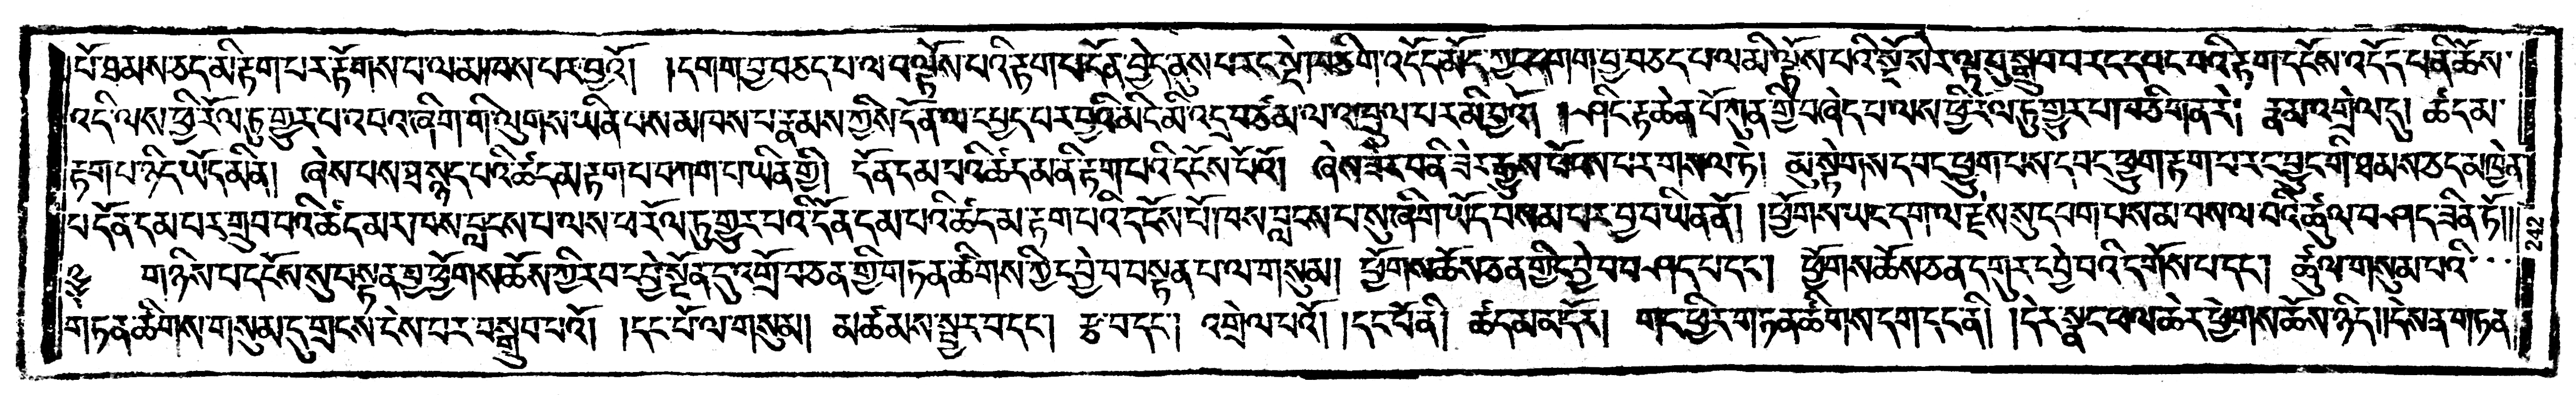པོ་ཐམས་ཅད་མི་རྟག་པར་རྟོགས་པ་ལ་མཁས་པར་བྱའོ། །དགག་བྱ་བཅད་པ་ལ་བལྟོས་པའི་རྟག་པ་དོན་བྱེད་ནུས་པ་རང་སྡེ་ཁ་ཅིག་འདོད་མོད་ཀྱང་དགག་བྱ་བཅད་པ་ལ་མི་ལྟོས་བའི་སྔོ་སེར་ལྟ་བུ་སྒྲུབ་པ་རང་དབང་བའི་རྟག་དངོས་འདོད་པ་ནི་ཆོས་
འདི་ལས་ཕྱི་རོལ་ཏུ་གྱུར་པ་འབའ་ཞིག་གི་ལུགས་ཡིན་པས་མཁས་པ་རྣམས་ཀྱིས་དོན་ལ་དཔྱད་པར་བྱའི་མིང་མི་འདྲ་བ་ཙམ་ལ་འཁྲུལ་པར་མི་བྱའོ། །ཤིང་རྟ་ཆེན་པོ་ཀུན་གྱི་བཞེད་པ་ལས་ཕྱི་རོལ་ཏུ་གྱུར་པ་ཁ་ཅིག་ན་རེ། རྣམ་འགྲེལ་དུ། ཚད་མ་
རྟག་པ་ཉིད་ཡོད་མིན། ཞེས་པས་ཐ་སྙད་པའི་ཚད་མ་རྟག་པ་བཀག་པ་ཡིན་གྱི། དོན་དམ་པའི་ཚད་མ་ནི་རྟག་པའི་དངོས་པོའོ། ཞེས་ཟེར་བ་ནི་ཟེར་རྒྱུས་ཕོངས་པར་གསལ་ཏེ། མུ་སྟེགས་དབང་ཕྱུག་པས་དབང་ཕྱུག་རྟག་པ་རང་བྱུང་གི་ཐམས་ཅད་མཁྱེན་
པ་དོན་དམ་པར་གྲུབ་པའི་ཚད་མར་ཁས་བླངས་པ་ལས་ཕ་རོལ་ཏུ་གྱུར་པའི་དོན་དམ་པའི་ཚད་མ་རྟག་པའི་དངོས་པོ་ཁས་བླངས་པ་སུ་ཞིག་ཡོད་བསམ་པར་བྱ་བ་ཡིན་ནོ། །ཕྱོགས་ཡང་དག་ལ་རྗེས་སུ་དཔག་པས་མ་བསལ་བའི་ཚུལ་བཤད་ཟིན་ཏོ།།
༈ གཉིས་པ་དངོས་སུ་བསྟན་བྱ་ཕྱོགས་ཆོས་ཀྱི་རབ་དབྱེ་སྔོན་དུ་འགྲོ་བ་ཅན་གྱི་གཏན་ཚིགས་ཀྱི་དབྱེ་བ་བསྟན་པ་ལ་གསུམ། ཕྱོགས་ཆོས་ཅན་གྱི་དབྱེ་བ་བཤད་པ་དང་། ཕྱོགས་ཆོས་ཅན་དགུར་དབྱེ་བའི་དགོས་པ་དང་། ཚུལ་གསུམ་པའི་
གཏན་ཚིགས་གསུམ་དུ་གྲངས་ངེས་པར་བསྒྲུབ་པའོ། །དང་པོ་ལ་གསུམ། མཚམས་སྦྱར་བ་དང་། རྩ་བ་དང་། འགྲེལ་པའོ། །དང་པོ་ནི། ཚད་མ་མདོར། གང་ཕྱིར་གཏན་ཚིགས་དག་དང་ནི། །དེར་སྣང་ཕལ་ཆེར་ཕྱེགས་ཆོས་ཉིད། །དེས་ན་གཏན་